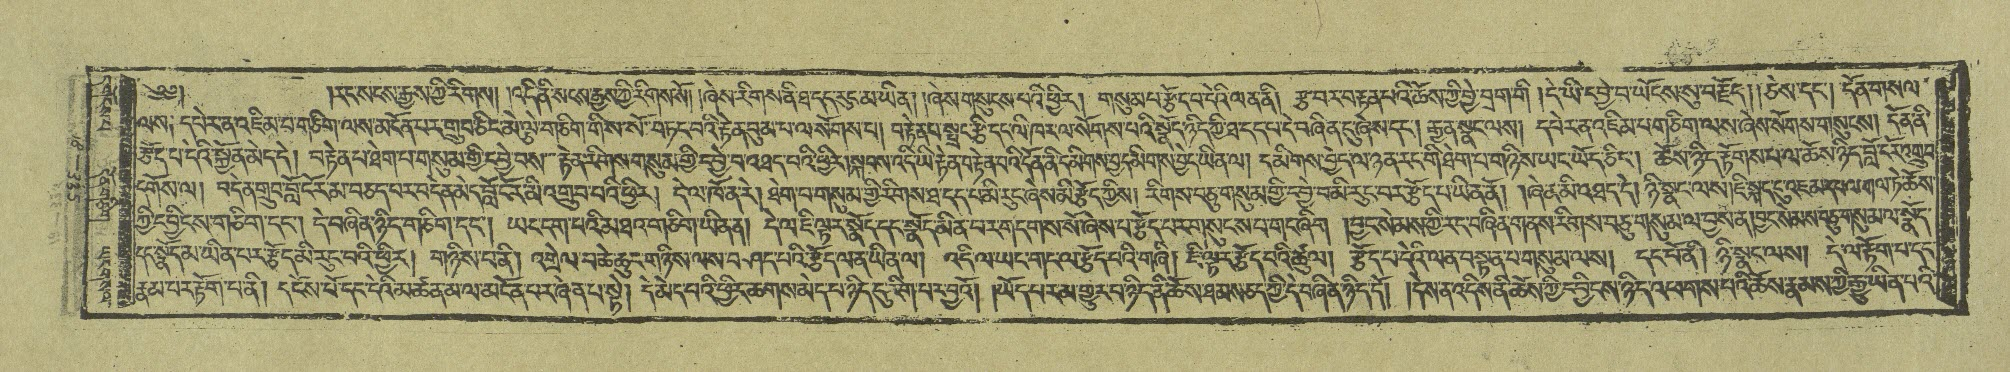༄༅། །རང་སངས་རྒྱས་ཀྱི་རིགས། །འདི་ནི་སངས་རྒྱས་ཀྱི་རིགས་སོ། །ཞེས་རིགས་ནི་ཐ་དད་རུང་མ་ཡིན། །ཞེས་གསུངས་པའི་ཕྱིར། གསུམ་པ་རྩོད་པ་དེའི་ལན་ནི། རྩ་བར་བརྟན་པའི་ཆོས་ཀྱི་བྱེ་བྲག་གི །དེ་ཡི་དབྱེ་བ་ཡོངས་སུ་བརྗོད། །ཅེས་དང་། དོན་གསལ་
ལས། དཔེར་ན་འཇིམ་པ་གཅིག་ལས་མངོན་པར་གྲུབ་ཅིང་མེ་ལྕེ་གཅིག་གིས་སོ་བཏང་བའི་རྟེན་བུམ་པ་ལ་སོགས་པ། བརྟེན་པ་སྦྲང་རྩི་དང་ལི་ཁར་ལ་སོགས་པའི་སྣོད་ཉིད་ཀྱི་ཐ་དད་པ་དེ་བཞིན་དུ་ཞེས་དང་། རྒྱན་སྣང་ལས། དཔེར་ན་འཇིམ་པ་གཅིག་ལས་ཞེས་སོགས་གསུངས། དོན་ནི་
རྩོད་པ་དེའི་སྐྱོན་མེད་དེ། བརྟེན་པ་ཐེག་པ་གསུམ་གྱི་དབྱེ་བས་རྟེན་རིགས་གསུམ་གྱི་དབྱེ་བ་འཐད་པའི་ཕྱིར། སྐབས་འདི་ཡི་རྟེན་བརྟེན་པའི་དོན་ནི་དམིགས་བྱ་དམིགས་བྱེད་ཡིན་ལ། དམིགས་བྱེད་ལ་ཉན་རང་གི་ཐེག་པ་གཉིས་ཡང་ཡོད་ཅིང་། ཆོས་ཉིད་རྟོགས་པ་ལ་ཆོས་ཉིད་བློ་ངོར་འགྲུབ་
དགོས་ལ། བདེན་གྲུབ་བློ་ངོར་མ་བཅད་པར་བདེན་མེད་བློ་ངོར་མི་འགྲུབ་པའི་ཕྱིར། དེ་ལ་ཁོ་ན་རེ། ཐེག་པ་གསུམ་གྱི་རིགས་ཐ་དད་པ་མི་རུང་ཞེས་མི་རྩོད་ཀྱིས། རིགས་བཅུ་གསུམ་གྱི་དབྱེ་བ་མི་རུང་བར་རྩོད་པ་ཡིན་ནོ། །ཞེ་ན་མི་འཐད་དེ། ཉི་སྣང་ལས། ཇི་སྐད་དུ་འཇམ་དཔལ་གལ་ཏེ་ཆོས་
ཀྱི་དབྱིངས་གཅིག་དང་། དེ་བཞིན་ཉིད་གཅིག་དང་། ཡང་དག་པའི་མཐའ་གཅིག་ཡིན་ན། དེ་ལ་ཇི་ལྟར་སྣོད་དང་སྣོད་མིན་པར་གདགས་སོ་ཞེས་པ་རྩོད་པར་གསུངས་པ་གང་ཞིག །བྱང་སེམས་ཀྱི་རང་བཞིན་གནས་རིགས་བཅུ་གསུམ་ལ་བྱས་ན། བྱང་སེམས་བཅུ་གསུམ་ལ་སྣོད་
དང་སྣོད་མ་ཡིན་པར་རྩོད་མི་རུང་བའི་ཕྱིར། གཉིས་པ་ནི། འགྲེལ་བ་ཆེ་ཆུང་གཉིས་ལས་བཤད་པའི་རྩོད་ལན་ཡིན་ལ། འདི་ལ་ཡང་གང་ལ་རྩོད་པའི་གཞི། ཇི་ལྟར་རྩོད་པའི་ཚུལ། རྩོད་པ་དེའི་ལན་བསྟན་པ་གསུམ་ལས། དང་པོ་ནི། ཉི་སྣང་ལས། དེ་ལ་རྟོག་པ་དང་
རྣམ་པར་རྟོག་པ་ནི། དངོས་པོ་དང་དེའི་མཚན་མ་ལ་མངོན་པར་ཞེན་པ་སྟེ། དེ་མེད་པའི་ཕྱིར་ཆགས་མེད་པ་ཉིད་དུ་རིག་པར་བྱའོ། །ཡོད་པར་མ་གྱུར་པ་ཉིད་ནི་ཆོས་ཐམས་ཅད་ཀྱི་དེ་བཞིན་ཉིད་དོ། །དེས་ན་འདིས་ནི་ཆོས་ཀྱི་དབྱིངས་ཉིད་འཕགས་པའི་ཆོས་རྣམས་ཀྱི་རྒྱུ་ཡིན་པའི་